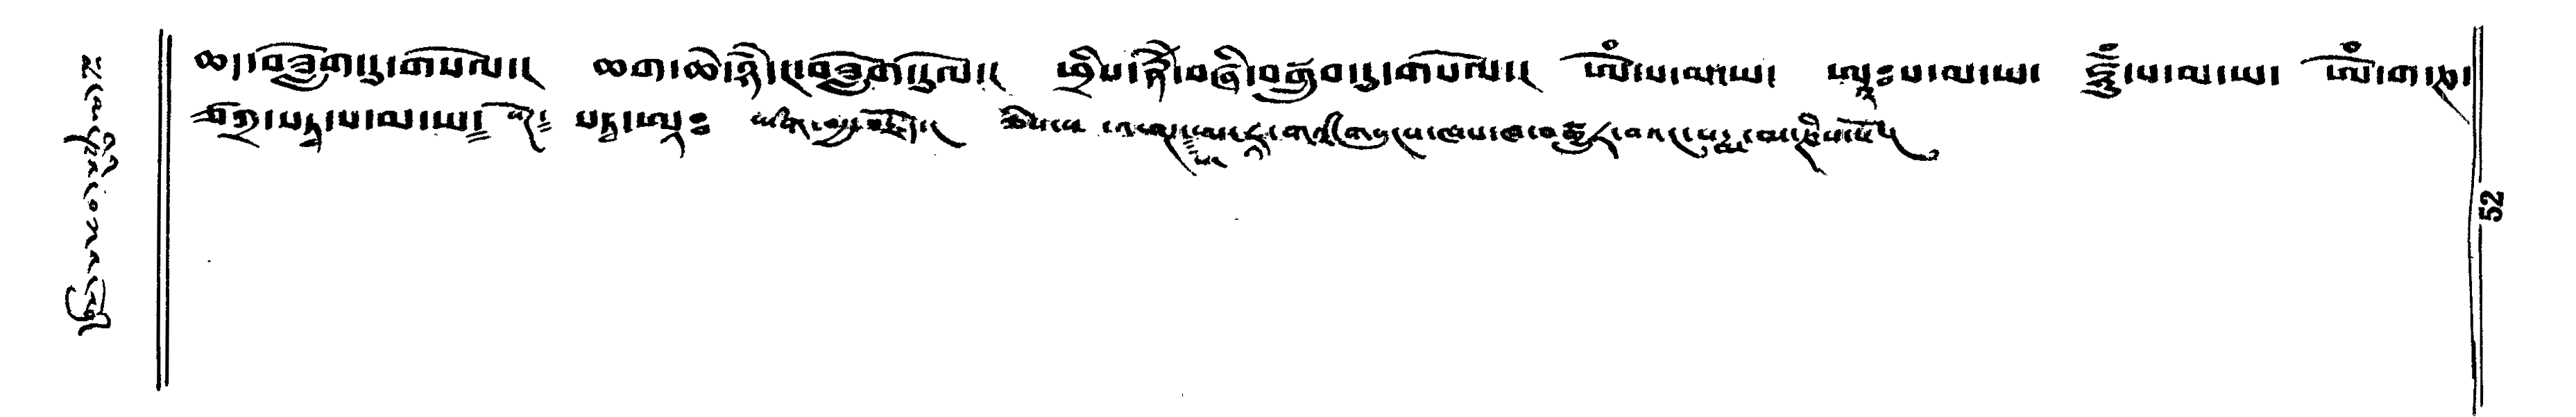ཆད་ཟློག་དུ་གསོལ། ཆགས་ཆེ་ཉམ་ང་ཟློག་དུ་གསོལ། །ཕྲིན་ལས་རྣམ་བཞི་སྒྲུབ་དུ་གསོལ།ཨོཾ་ས་མ་ཡ། ཨཱཿས་མ་ཡ། ཧཱུྃ་ས་མ་ཡ། ཨོཾ་ག་ནཱ་
ཙཀྲ་སཏྭ་ས་མ་ཡ༴ སོགས་ཡིག་བརྒྱ་བརྗོད། ཅེས་པ་འཕགས་པ་ཨ་རཱ་གའི་གསུང་ལ་ཁ་བསྒྱུར་བའང་པདྨ་མ་ཎིས་སོ།། དགེའོ།།